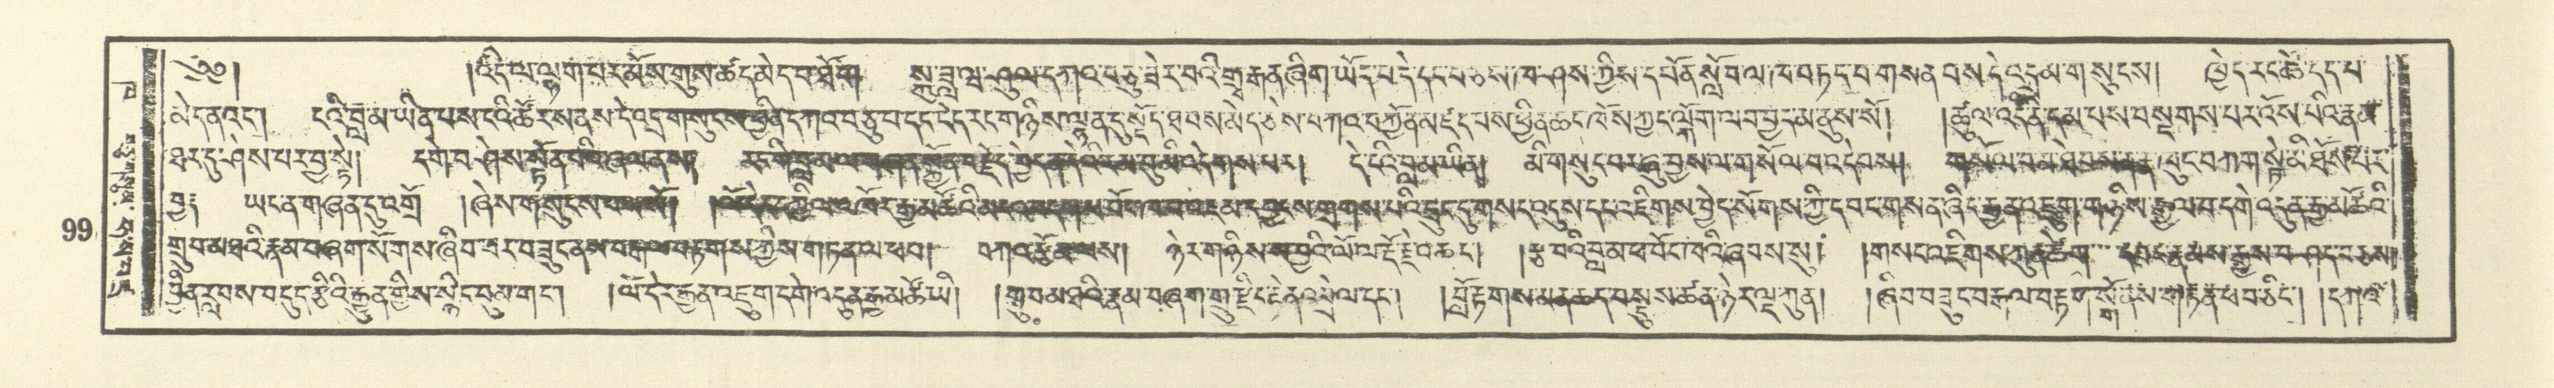༄༅། །འདི་ལ་ལྷག་པར་མོས་གུས་ཚད་མེད་པ་ཐོབ། སྐུ་ཟླ་ཝ་ཤུལ་དཀའ་བཅུ་ཟེར་བའི་གྲྭ་རྒན་ཞིག་ཡོད་པ་དེ་དང་བཅས་ཁ་ཤས་ཀྱིས་དཔོན་སློབ་ལ་ཁ་བཏང་བ་གསན་པས་དེ་འདྲ་མ་གསུངས། ཁྱེད་རང་ཚོ་དད་པ་
མེད་ནའང་། ངའི་བླ་མ་ཡིན་པས་ངའི་ཚོར་ས་ནས་དེ་འདྲ་གསུངས་ཕྱིན་དཀའ་བཅུ་པ་དང་ངེད་རང་གཉིས་ལྷན་དུ་སྡོད་ཐབས་མེད་ཅེས་བཀའ་བཀྱོན་མཛད་པས་ཕྱིན་ཆད་ཁོས་ཀྱང་ལྐོག་ལབ་བྱད་མ་ནུས་སོ། །ཚུལ་འདི་ནི་དམ་པས་བསྔགས་པར་འོས་པའི་རྣམ་
ཐར་དུ་ཤེས་པར་བྱ་སྟེ། དགེ་བཤེས་སྟོན་པའི་ཞལ་ནས། རང་གི་བླ་མ་ལ་གཞན་སྐྱོན་བརྗོད་བྱེད་ན་དེའི་རམ་བུ་མི་འདེགས་པར། དེ་ངའི་བླ་མ་ཡིན། མི་གསུང་བར་ཞུ་བྱས་ལ་གསོལ་བ་འདེབས། གསོལ་བ་མ་ཐེབས་ན་རྣ་ཁུང་བཀག་སྟེ་མི་ཐོས་པར་
བྱ༑ ཡང་ན་གཞན་དུ་འགྲོ་།ཞེས་གསུངས་པས་སོ། །ལོ་དེར་དཀྱིལ་འཁོར་རྒྱ་མཚོའི་མངའ་བདག་ཕ་བོང་ཁ་པ་འཇམ་དབྱངས་གྲགས་པའི་དྲུང་དུ་གསད་འདུས་དང་འཇིགས་བྱེད་སོགས་ཀྱི་དབང་གསན་ཞིང་རྒྱན་འཇུག་གཉིས་རྒྱལ་བ་དགེ་འདུན་རྒྱ་མཚོའི་
གྲུབ་མཐའི་རྣམ་བ་ཞག་སོགས་ཞིབ་བར་བཟུང་ནས་བརྒལ་བརྟགས་ཀྱིས་གཏན་ལ་ཕབ། བཀའ་རྩོམ་ལས། ཉེར་གཉིས་ས་བྱའི་ལོ་ལ་རྡོ་རྗེ་འཆང་། །རྩ་བའི་བླ་མ་ཕ་བོང་ཁའི་ཞབས་སུ། །གསང་འཇིགས་ཀུན་ཚེག་དབང་རྣམས་རྒྱས་བཤད་བཅས་
བྱིན་རླབས་བདུད་རྩིའི་རྒྱུན་གྱིས་སྙིང་བུམ་གང་། །ལོ་དེར་རྒྱན་འཇུག་དགེ་འདུན་རྒྱ་མཚོ་ཡི། །གྲུབ་མཐའི་རྣམ་བཞག་གྲུ་རྫིང་རྟེན་འབྲེལ་དང་། །བློ་རྟགས་མན་ཆད་བསྡུས་ཚན་ཉེར་ལྔ་ཀུན། །ཞིབ་བཟུང་བརྒལ་བརྟག་སྒོ་ནས་གཏན་ཕབ་ཅིང་། །དཀའ་